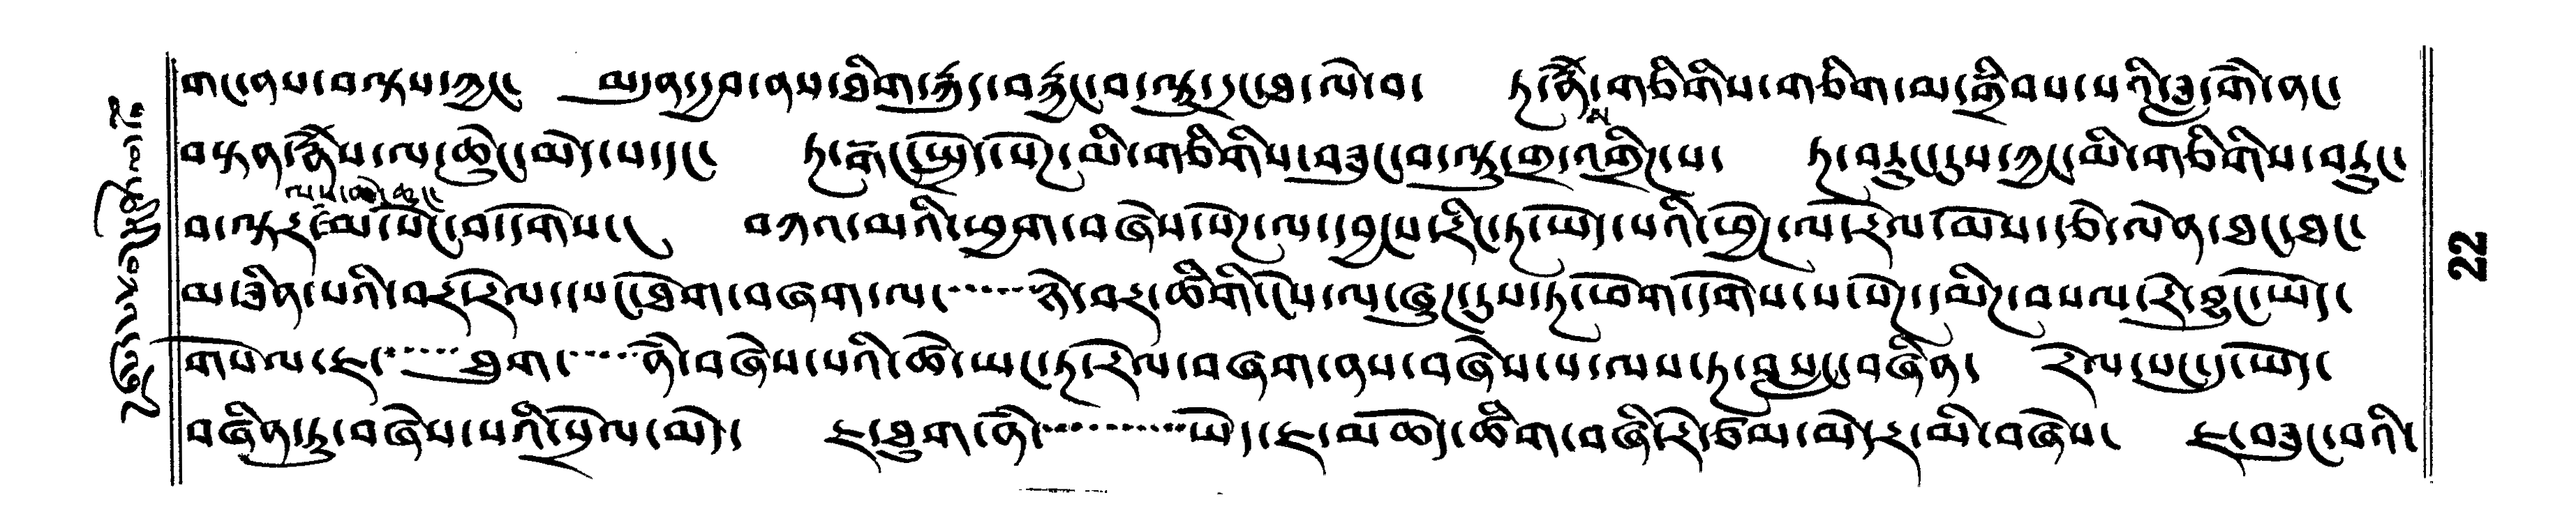གང་ནས་བལྟས་ཀྱང་། མདུན་རྒྱབ་ནས་ཐིག་སྐུད་བརྐྱང་བ་ལྟ་བུ་དྲང་ཐ་ལེ་བ། རྔ་རྣམས་གཅིག་གིས་གཅིག་མ་སྒྲིབས་པར་ཟླ་གམ་ནང་
བསྟན་རྣམས་ལ་ཆེ་ཆུང་མེད་པ་དང་། རྔ་སྒང་སྤྲོད་སོགས་མི་གཅིག་གིས་བཟུང་བ་ལྟ་བུ་གྲ་འགྲིགས་པ། རྔ་བརྡུང་དུས་ཀྱང་མི་གཅིག་གིས་བརྡུང་
བ་ལྟར་ལས་ཆེ་ཆུང་མ་སོང་བ་དགོས། བཀའ་མའི་ཕྱག་བཞེས་སོགས་ལ་དབྱངས་རིང་རྔ་ཡོད་པའི་ཕྱོགས་ལ་རོལ་མོས་རྩེ་ལེན་ཐང་ཐང་
མ་ཟིན་པའི་བར་རོལ་དཔང་ཐོག་བཞག་ལ་ཉེ་བར་ཚིག་གི་ངོས་ལ་ཞུགས་དུས་རྔ་ཕོག་དགོས་པ་སོགས་དམིགས་བསལ་རེ་བྱུང་ཡོད། 
གསོལ་ཇ་བཞེས་ཐུག་སོགས་ནམ་བཞེས་པའི་ཚེ་ཡང་རྔ་རོལ་བཞག་ནས་བཞེས་པ་ལས་རྔ་བསླང་བཞིན། རོལ་པང་དུ་ཡོད་
བཞིན་དུ་བཞེས་པའི་སྲོལ་མེད། ཇ་ཐུག་ནམ་ཡོད་ཀྱང་ཇ་མཆོད་ཚིག་བཞི་རེ་ཙམ་མེད་པར་མི་བཞེས། ཇ་བཟུང་བའི་